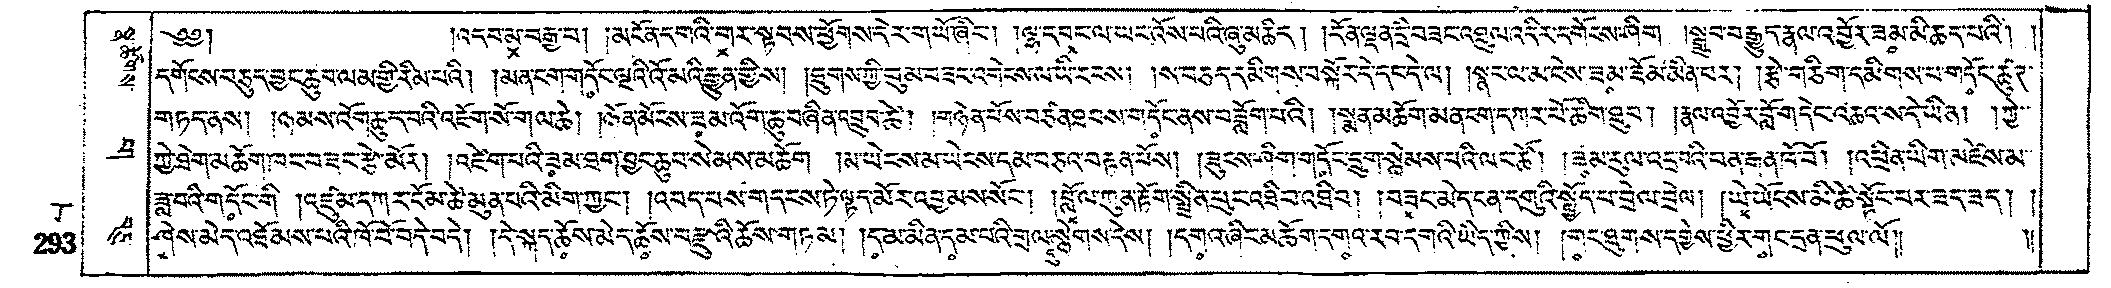༄༅། །འདབ་མ྾་བརྒྱ་པ། །མངོན་དགའི་གར྾་སྟབས་ཕྱོགས་དེར་གཡོ་ཞིང་། །ལྷ་དབང྾་ལ་ཡང་འོས་པའི་ཞུ་མཆིད། །དོན་ལྡན་དྲི་བཟང་འཐུལ་འདིར་དགོངས་ཤིག །སྒྲུབ་བརྒྱུད་རྣལ་འབྱོར་ཟམ྾་མི་ཆད་པའི། །
དགོངས་བཅུད་བྱང་ཆུབ་ལམ་གྱི་རིམ་པའི། །མན་ངག་གདོང྾་ལྔའི་འོ་མའི་རྒྱུན་གྱིས། །ཐུགས་ཀྱི་བུམ་བཟང་འགེངས་ལ་ཡི་རངས། །ས་བཅད་དམིགས་བསྐོར་དེ་དང་དེ་ལ། །སྣང་ལ་མ་ངེས་ཟམ྾་ཟོམ་མིན་པར། །རྩེ་གཅིག་དམིགས་པ་གདོང྾་ཚུཌ་
གཏད་ནས། །ཉམས་འོག་ཆུད་པའི་འཇོག་སོ་གལ་ཆེ། །ཉོན་མོངས་ཟམ྾་འོག་ཆུ་བཞིན་འབྲུབ་ཚེ། །གཉེན་པོས་བཙན་ཐབས་གདོང྾་ནས་བཟློག་པའི། །སྨན་མཆོག་མན་ངག་དཀར་པོ་ཆིག་ཐུབ། །རྣལ་འབྱོར་བློ་གདེང་འཆའ་ས་དེ་ཡིན། །ཀྱེ་་་
ཀྱེ་ཐེག་མཆོག་ཁང་བཟང་རྩེ་མོར། །འཛེག་པའི་ཟམ྾་ཐག་བྱང་ཆུབ་སེམས་མཆོག །མ་ཡེངས་མ་ཡེངས་དམ་བཅའ་བརྟན་པོས། །ཟུངས་ཤིག་གདོང྾་དྲུག་སྙེམས་པའི་ལང་ཚོ། །ཟམ྾་རུལ་འདྲ་བའི་བན་རྒན་ཁོ་བོ། །འཕྲིན་ཡིག་མཛེས་མ་་་
ཟླ་བའི་གདོང྾་གི །འཛུམ་དཀར་ངོམ་ཚེ་མུན་པའི་མིག་ཀྱང་། །འབད་པས་གདངས་ཏེ་ལྟད་མོར་འབྱམས་སོང་། །བློ྾་ལ་ཀུན་རྟོག་སྤྲིན་ཕུང་འཐིབ་འཐིབ། །བཟང྾་མེད་ངན་དགུའི་སྤྱོད་པ་བྲེལ་བྲེལ། །ཡེ྾་ཡོངས་མི་ཚེ་སྟོང་པར་ཟད་ཟད། །
ཤེས྾་མེད་འཐོམས་པའི་ཁོ་བོ་བདེ་བདེ། །དེ་སྐད་ཆོས྾་མེད་ཆོས྾་བརྫུའི་ཆོས་གཏམ། །དམ྾་མིན་དམ྾་པའི་གྲལ་དུ་སྙེགས་དེས། །དགའ྾་ཞིང་མཆོག་དགའ་རབ་དགའི་ཡིད་ཀྱིས། །གང྾་ཐུགས་དགྱེས་ཕྱིར་གང྾་དྲན་ཕུལ་ལོ།། །།